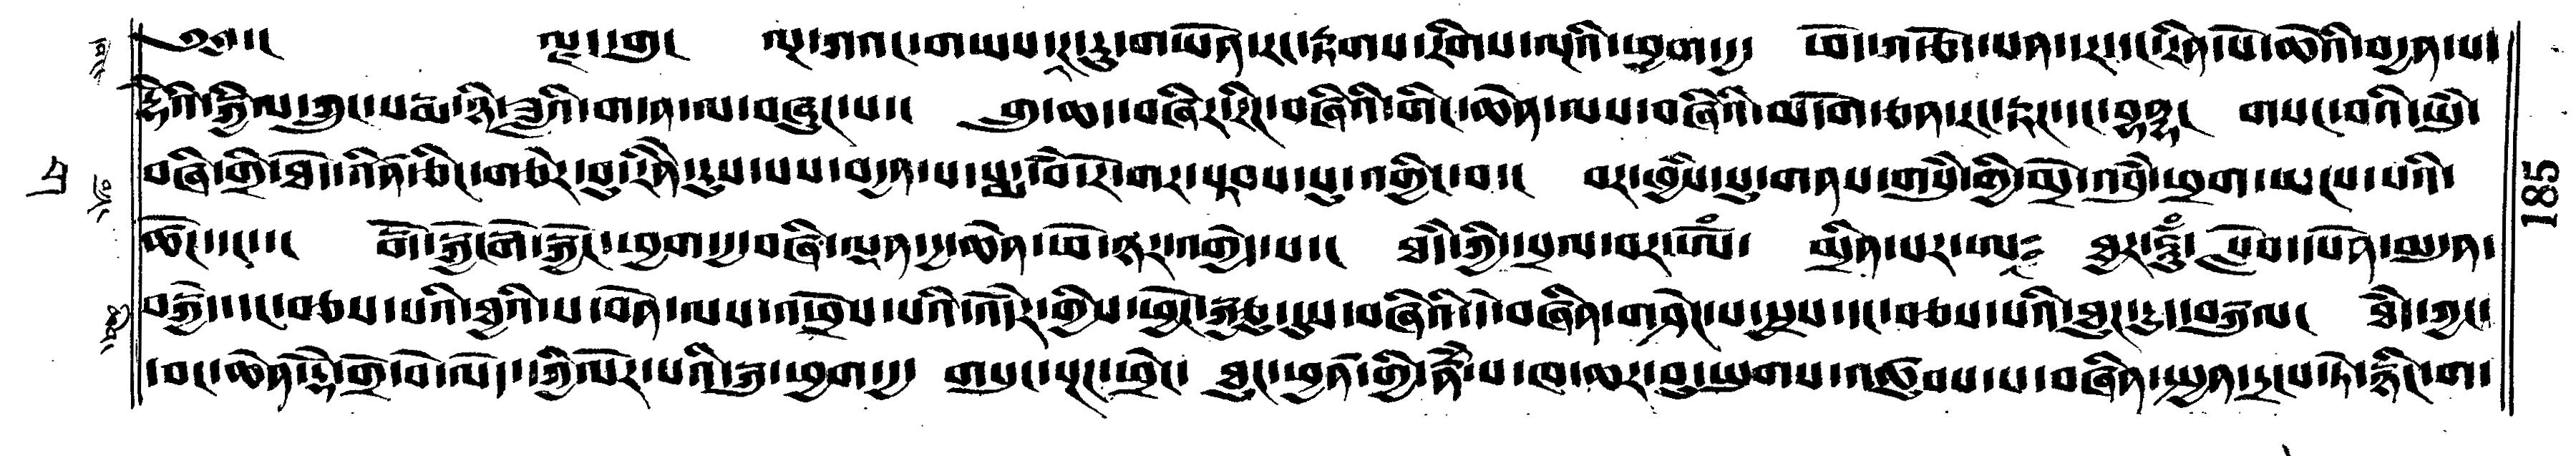ལྗང་གུ། ལྔ་ཀའང་གཡས་ཌཱ་རུ་གཡོན་རང་རྟགས་རིགས་ལྔའི་ཕྱག་རྒྱ། ཕོད་ཀ་ཅོད་པན་དར་དང་རིན་པོ་ཆེས་བརྒྱན་པ་
རྡོ་རྗེའི་སྐྱིལ་ཀྲུང་པདྨ་ཉི་ཟླའི་གདན་ལ་བཞུགས་པ། གྲུ་ཆད་བཞིར་རིགས་བཞིའི་གིང་ཆེན་ལས་བཞིའི་མདོག་ཅན་རང་རྟགས་དང་བྷནྡྷ། གསང་བའི་ཡུམ་
བཞི་གྲི་ཐོད་འཛིན་ཅིང་གཅེར་བུ་རིན་ཆེན་རུས་པས་བརྒྱན་པ་པདྨ་བཾ་རོ་གར་སྟབས་སུ་འགྱིང་བ། བར་ཁྱམས་སུ་གནས་གསུམ་གྱི་མཁའ་འགྲཽ་འབུམ་ཕྲག་ཡངས་པའི་
ཚོགས་དང་། སྒོ་སྐྱོང་ཕྱག་རྒྱ་བཞི་ལྡན་རྒྱ་ཆེན་ཕོ་ཉར་འགྱེད་པ། ཐམས་ཅད་ཀྱི་དཔྲལ་བར་ཨོཾ་མགྲིན་པར་ཨཱཿ ཐུགས་ཀར་ཧཱུྃ་སློབ་དཔོན་མདུན་
བསྐྱེད་དང་བཅས་པའི་ཐུགས་ཀའི་ས་བོན་ལས་འཕྲོས་པའི་འོད་ཟེར་གྱིས་ཕྱོགས་བཅུ་དུས་བཞིའི་དེ་བཞིན་གཤེགས་པ་སྲས་དང་བཅས་པའི་ཐུགས་རྒྱུད་བསྐུལ། ཐམས་ཅད་ཀྱང་
དབང་ཆེན་རྡོ་རྗེ་གྲོ་བོ་ལོད་དཀྱིལ་འཁོར་གྱི་སྐུ་ཕྱག་རྒྱ། གསུང་སྔགས་ཕྲེང་། ཐུགས་ཕྱག་མཚན་གྱི་རྣམ་པ་ཁ་ཆར་བུ་ཡུག་འཚུབ་པ་བཞིན་སྤྱན་དྲངས་ཏེ་སྙིང་ག་